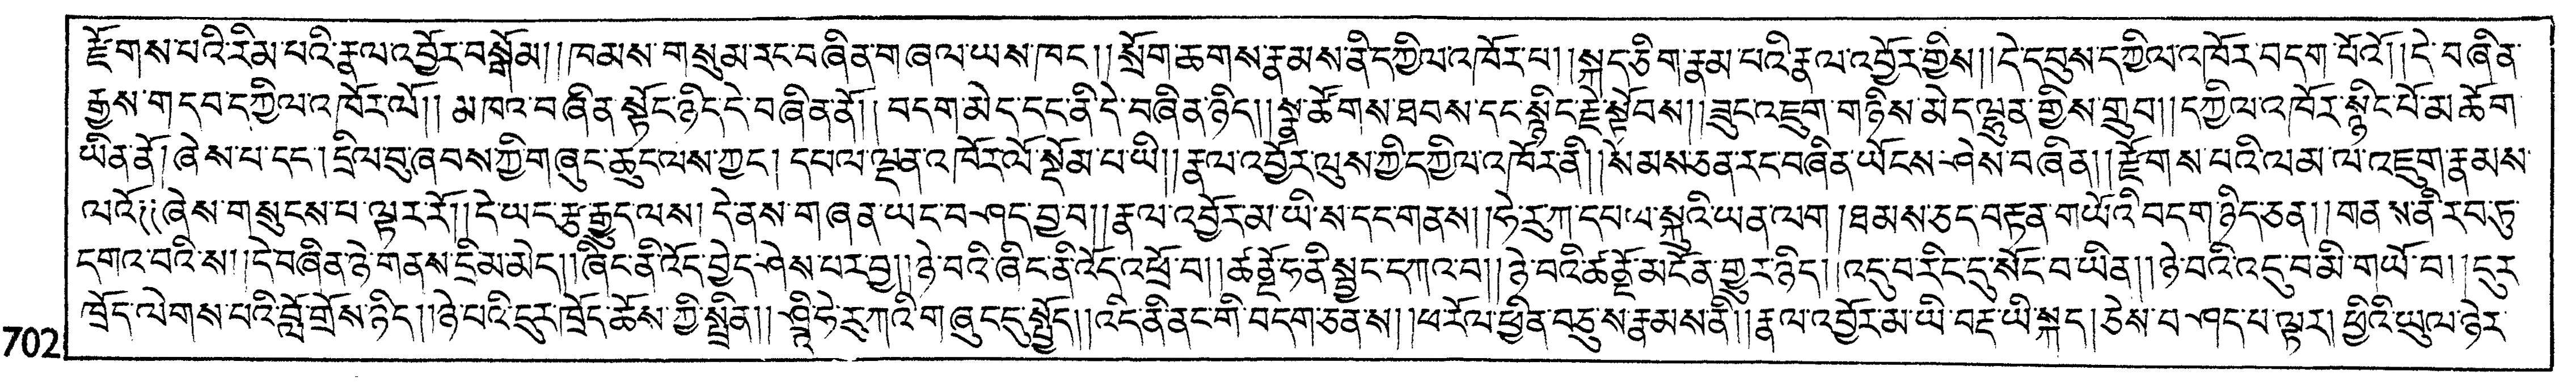རྫོགས་པའི་རིམ་པའི་རྣལ་འབྱོར་བསྒོམ། །ཁམས་གསུམ་རང་བཞིན་གཞལ་ཡས་ཁང་། །སྲོག་ཆགས་རྣམས་ནི་དཀྱིལ་འཁོར་པ། །སྐད་ཅིག་རྣམ་པའི་རྣལ་འབྱོར་གྱིས། །དེ་དབུས་དཀྱིལ་འཁོར་བདག་པོའོ། །དེ་བཞིན་
རྒྱས་གདབ་དཀྱིལ་འཁོར་ལོ། །མཁའ་བཞིན་སྟོང་ཉིད་དེ་བཞིན་ནོ། །བདག་མེད་དང་ནི་དེ་བཞིན་ཉིད། །སྣ་ཚོགས་ཐབས་དང་སྙིང་རྗེ་སྟོབས། །ཟུང་འཇུག་གཉིས་མེད་ལྷུན་གྱིས་གྲུབ། །དཀྱིལ་འཁོར་སྙིང་པོ་མཆོག་
ཡིན་ནོ། ཞེས་པ་དང་། དྲིལ་བུ་ཞབས་ཀྱི་གཞུང་ཆུང་ལས་ཀྱང་། དཔལ་ལྡན་འཁོར་ལོ་སྡོམ་པ་ཡི། །རྣལ་འབྱོར་ལུས་ཀྱི་དཀྱིལ་འཁོར་ནི། །སེམས་ཅན་རང་བཞིན་ཡོངས་ཤེས་བཞིན། །རྫོགས་པའི་ལམ་ལ་འཇུག་རྣམས་
ལའོ༑ ༑ཞེས་གསུངས་པ་ལྟར་རོ། །དེ་ཡང་རྩ་རྒྱུད་ལས། དེ་ནས་གཞན་ཡང་བཤད་བྱ་བ། །རྣལ་འབྱོར་མ་ཡི་ས་དང་གནས། །ཧེ་རུ་ཀ་དཔལ་སྐུའི་ཡན་ལག །ཐམས་ཅད་བརྟན་གཡོའི་བདག་ཉིད་ཅན། །གནས་ནི་རབ་ཏུ་
དགའ་བའི་ས། །དེ་བཞིན་ཉེ་གནས་དྲི་མ་མེད། །ཞིང་ནི་འོད་བྱེད་ཤེས་པར་བྱ། །ཉེ་བའི་ཞིང་ནི་འོད་འཕྲོ་བ། །ཚནྡོ་ཧ་ནི་སྦྱང་དཀའ་བ། །ཉེ་བའི་ཚནྡོ་མངོན་གྱུར་ཉིད། །འདུ་བ་རིང་དུ་སོང་བ་ཡིན། །ཉེ་བའི་འདུ་བ་མི་གཡོ་བ། །དུར་
ཁྲོད་ལེགས་པའི་བློ་གྲོས་ཉིད། །ཉེ་བའི་དུར་ཁྲོད་ཆོས་ཀྱི་སྤྲིན། །ཤྲཱི་ཧེ་རུ་ཀའི་གཞུང་དུ་སྤྱོད། །འདི་ནི་ནང་གི་བདག་ཅན་ས། །ཕ་རོལ་ཕྱིན་བཅུ་ས་རྣམས་ནི། །རྣལ་འབྱོར་མ་ཡི་བརྡ་ཡི་སྐད། ཅེས་བཤད་པ་ལྟར། ཕྱིའི་ཡུལ་ཉེར་